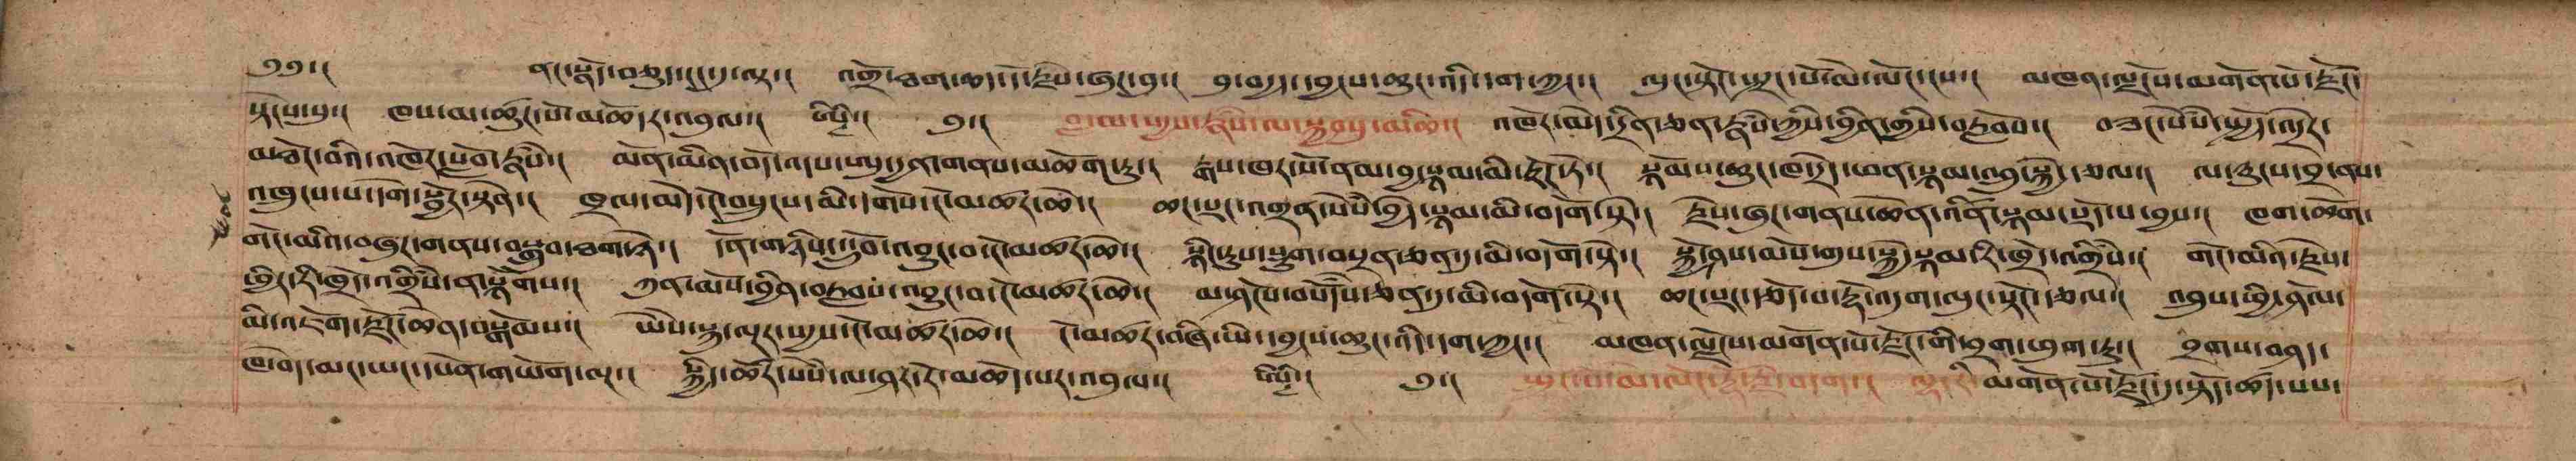༄༅་། ནང་སྣོད་བཅུད་ངང་དུ་ལྟ། འགྲོ་ཐག་ཆད་དོ་རྗེས་ཞུགས་བུ། བུ་བརྒྱད་དབྱངས་ཆུང་འདི་དག་ཀྱང་། ལུང་སྟོང་སྤྲང་པོ་མེ་ལོང་ངས། མཁན་ལྗོངས་མགོན་པོ་རྫོང་
སྟོངས་སུ། ཁས་མ་ཚུགས་པོ་མཆོད་པར་འབུལ། ཨིཊི། ༄་། བླ་མ་སངས་རྒྱས་རྣམས་ལ་སྐྱབས་སུ་མཆི། འཁོར་མེད་དྲིན་ཅན་རྣམས་ཀྱིས་བྱིན་གྱིས་བརློབས། བཟང་སེམས་སྤྱོད་འདྲེར་
མཐོང་བའི་འཁོར་སློབ་རྣམས། མོན་མིན་བདོ་འདས་ཨུ་རྒྱན་གནས་མཆོག་ཏུ། རྒས་ཁར་སོ་ནམ་བྱ་སྙམ་མི་རྟོགས་ཏེ། སྐོམས་ཆུང་ཁ་དྲེད་ཕན་སྙམ་འབྲུ་སྐྱེད་རྩལ། མ་ཉུངས་བྲེ་ནས་
འཁྲུངས་པ་དགེ་སྦྱོར་སྟེན། ཁྲལ་མེད་ངོ་བསྲུངས་མི་དགོས་ངོ་མཚར་ཆེ། ཆགས་སྡང་འགྲན་སེམས་བྱེད་སྙམ་མོ་བདོག་སྟེ། རྗེས་ཞུགས་གནས་ཆེན་འཛིན་སྙམ་སྡོད་པ་བྱས། ཁག་ཆོག་
གོང་མའི་བཞུགས་གནས་བསྒྲུབ་ཐག་ཉེ། དོན་གཉིས་དངོས་གྲུབ་འབྱུང་བ་ངོ་མཚར་ཆེ། སྙིང་རུས་སྡུག་བསྲན་ཅན་དུ་མི་བདོག་སྟེ། སྐྱོ་ཤས་མོས་གུས་སྐྱེ་སྐམ་རི་ཁྲོད་འགྲིམས། གོང་མའི་རྗེས་
ཕྱིར་རི་ཁྲོད་འགྲིམས་ན་སྙོགས། ཀུན་མོས་བྱིན་བརློབས་འབྱུང་བ་ངོ་མཚར་ཆེ། མ་ཤོངས་བསོད་ནམས་ཅན་དུ་མི་བདོག་སྟེ། ཆགས་སྡང་རྩོད་པ་རྡོ་འདུག་ལུང་སྟོང་རྩལ། འབྲས་བུས་ཕྱི་བཤོལ་
མི་འཇོག་རྫོགས་ཆེན་བསྒོམས། ཡེ་ཤེས་སྐུ་ལྔར་སངས་རྒྱས་ངོ་མཚར་ཆེ། ངོ་མཚར་བཞི་ཡི་དབྱངས་ཆུང་འདི་དག་ཀྱང་། མཁན་ལྗོངས་མགོན་པོ་རྫོང་གི་བྲག་ཕུག་ཏུ། བྲགས་བཤད་
ཁ་བདེ་མང་ཡང་དཔོན་གཡོག་ལྔ། སྐྱིད་ཚོར་སེམས་ལ་ཤར་རོ་མཆོད་པར་འབུལ། ཨིཊི། ༄་། སྤྲང་པོ་མེ་ལོང་རྡོ་རྗེ་བདག། ལྷ་རི་མགོན་པོ་རྫོང་དུ་སྟོད་ཚད་པས་